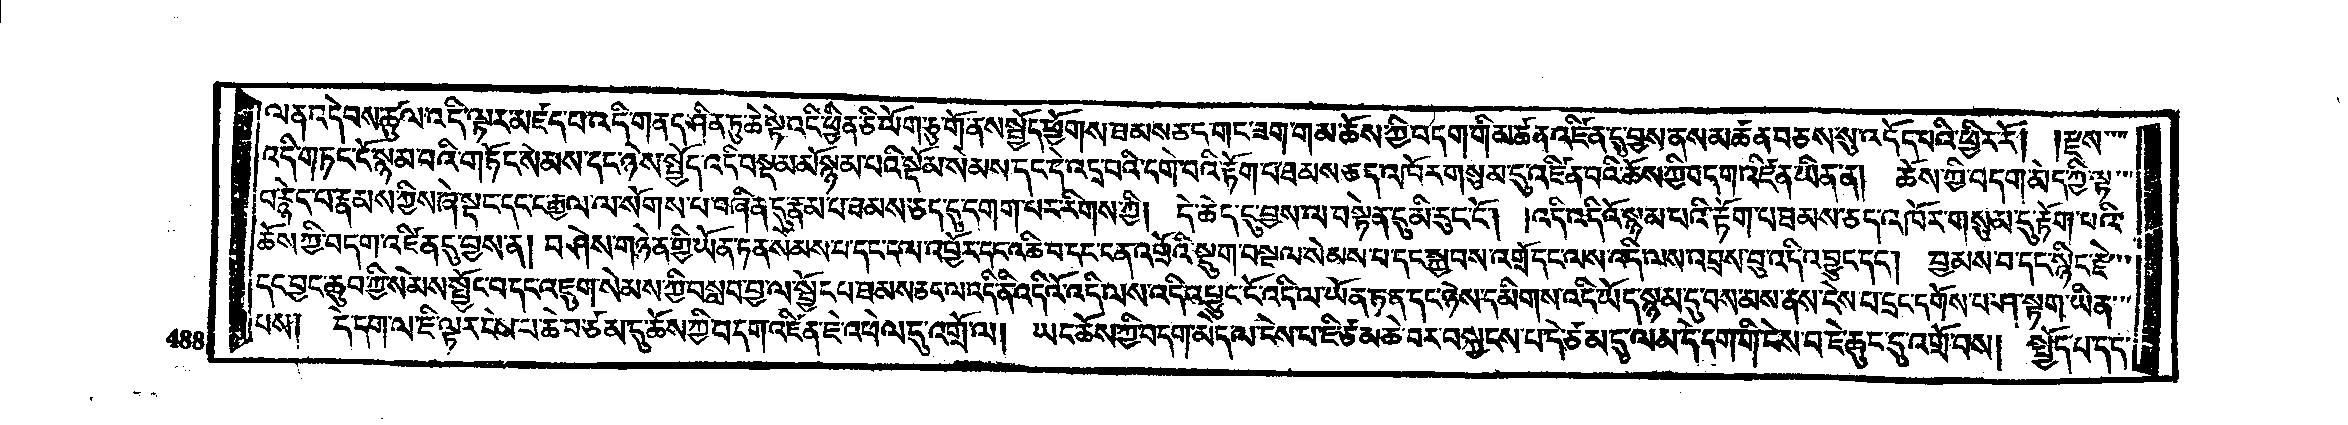ལན་འདེབས་ཚུལ་འདི་ལྟར་མཛད་པ་འདི་གནད་ཤིན་ཏུ་ཆེ་སྟེ་འདི་ཕྱིན་ཅི་ལོག་ཏུ་གོ་ནས་སྤྱོད་ཕྱོགས་ཐམས་ཅད་གང་ཟག་གམ་ཆོས་ཀྱི་བདག་གི་མཚན་འཛིན་དུ་བྱས་ནས་མཚན་བཅས་སུ་འདོད་པའི་ཕྱིར་རོ། །རྫས་
འདི་གཏང་ངོ་སྙམ་པའི་གཏོང་སེམས་དང་ཉེས་སྤྱོད་འདི་བསྡམ་མོ་སྙམ་པའི་སྡོམ་སེམས་དང་དེ་འདྲ་བའི་དགེ་བའི་རྟོག་པ་ཐམས་ཅད་འཁོར་གསུམ་དུ་འཛིན་པའི་ཆོས་ཀྱི་བདག་འཛིན་ཡིན་ན། ཆོས་ཀྱི་བདག་མེད་ཀྱི་ལྟ་
བརྙེད་པ་རྣམས་ཀྱིས་ཞེ་སྡང་དང་ང་རྒྱལ་ལ་སོགས་པ་བཞིན་དུ་རྣམ་པ་ཐམས་ཅད་དུ་དགག་པར་རིགས་ཀྱི། དེ་ཆེད་དུ་བྱས་ལ་བསྟེན་དུ་མི་རུང་ངོ། །འདི་འདིའོ་སྙམ་པའི་རྟོག་པ་ཐམས་ཅད་འཁོར་གསུམ་དུ་རྟོག་པའི་
ཆོས་ཀྱི་བདག་འཛིན་དུ་བྱས་ན། བཤེས་གཉེན་གྱི་ཡོན་ཏན་སེམས་པ་དང་དལ་འབྱོར་དང་འཆི་བ་དང་ངན་འགྲོའི་སྡུག་བསྔལ་སེམས་པ་དང་སྐྱབས་འགྲོ་དང་ལས་འདི་ལས་འབྲས་བུ་འདི་འབྱུང་དང་། བྱམས་པ་དང་སྙིང་རྗེ་
དང་བྱང་ཆུབ་ཀྱི་སེམས་སྦྱོང་བ་དང་འཇུག་སེམས་ཀྱི་བསླབ་བྱ་ལ་སྦྱོང་བ་ཐམས་ཅད་ལ་འདི་ནི་འདིའོ་འདི་ལས་འདི་འབྱུང་ངོ་འདི་ལ་ཡོན་ཏན་དང་ཉེས་དམིགས་འདི་ཡོད་སྙམ་དུ་བསམས་ནས་ངེས་པ་དྲང་དགོས་པ་ཤ་སྟག་ཡིན་
པས༑ དེ་དག་ལ་ཇི་ལྟར་ངེས་པ་ཆེ་བ་ཙམ་དུ་ཆོས་ཀྱི་བདག་འཛིན་ཇེ་འཕེལ་དུ་འགྲོ་ལ། ཡང་ཆོས་ཀྱི་བདག་མེད་ལ་ངེས་པ་ཇི་ཙམ་ཆེ་བར་བསྐྱངས་པ་དེ་ཙམ་དུ་ལམ་དེ་དག་གི་ངེས་པ་ཇེ་ཆུང་དུ་འགྲོ་བས། སྤྱོད་པ་དང་